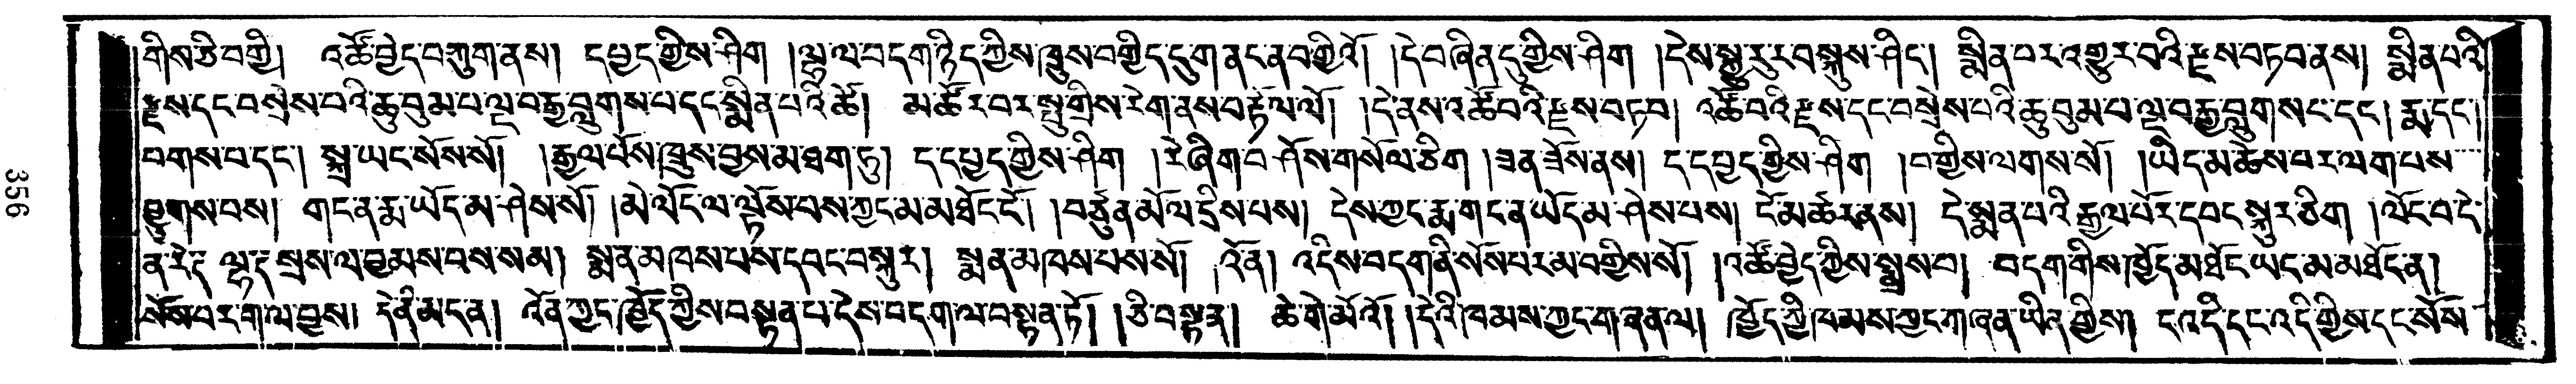གིས་ཅི་བགྱི། འཚོ་བྱེད་བཀུག་ནས། དཔྱད་གྱིས་ཤིག །ལྷ་ལ་བདག་ཉིད་ཀྱིས་ཁྲུས་བགྱིད་དུ་གནང་ན་བགྱིའོ། །དེ་བཞིན་དུ་གྱིས་ཤིག །དེས་སྐྱུ་རུ་ར་བསྐུས་ཤིང་། སྨིན་པར་འགྱུར་བའི་རྫས་བཏབ་ནས། སྨིན་པའི་
རྫས་དང་བསྲེས་པའི་ཆུ་བུམ་པ་ལྔ་བརྒྱ་བླུགས་པ་དང་སྨིན་པའི་ཚེ། མ་ཚོར་བར་སྤུ་གྲིས་རེག་ནས་བརྟོལ་ལོ། །དེ་ནས་འཚོ་བའི་རྫས་བཏབ། འཚོ་བའི་རྫས་དང་བསྲེས་པའི་ཆུ་བུམ་པ་ལྔ་བརྒྱ་བླུགས་པ་དང་། རྨ་དང་།
པགས་པ་དང་། སྐྲ་ཡང་སོས་སོ། །རྒྱལ་པོས་ཁྲུས་བྱས་མ་ཐག་ཏུ། ད་དཔྱད་གྱིས་ཤིག །རེ་ཞིག་བཤོས་གསོལ་ཅིག །ཟན་ཟོས་ནས། ད་དབྱད་གྱིས་ཤིག །བ་གྱིས་ལགས་སོ། །ཡིད་མ་ཆེས་པར་ལག་པས་
བྱུགས་པས། གང་ན་རྨ་ཡོད་མ་ཤེས་སོ། །མེ་ལོང་ལ་ལྟོ་བས་ཀྱང་མ་མཐོང་ངོ། །བཙུན་མོ་ལ་དྲིས་པས། དེས་ཀྱང་རྨ་གང་ན་ཡོད་མ་ཤེས་པས། ངོ་མཚར་ནས། དེ་སྨན་པའི་རྒྱལ་པོར་དབང་སྐུར་ཅིག །ལོང་བ་དེ་
ན་རེ༑ ལྷ༑ སྲས་ལ་བྱམས་པས་སམ། སྨན་མཁས་པས་དབང་བསྐུར། སྨན་མཁས་པས་སོ། །འོ་ན། འདིས་བདག་ནི་སོས་པར་མ་བགྱིས་སོ། །འཚོ་བྱེད་ཀྱིས་སྨྲས་པ། བདག་གིས་ཁྱོད་མཐོང་ཡང་མ་མཐོང་ན།
སོས་པར་ག་ལ་བྱས། དེ་ནི་མད་ན། འོན་ཀྱང་ཁྱོད་ཀྱིས་བསྟན་པ་དེས་བདག་ལ་བསྟན་ཏོ། །ཅི་བསྟན། ཆེ་གེ་མོའོ། །དེའི་ཁམས་ཀྱང་གཞན་ལ། ཁྱོད་ཀྱི་ཁམས་ཀྱང་གཞན་ཡིན་གྱིས། ང་འདི་དང་འདི་གྱིས་དང་སོས་